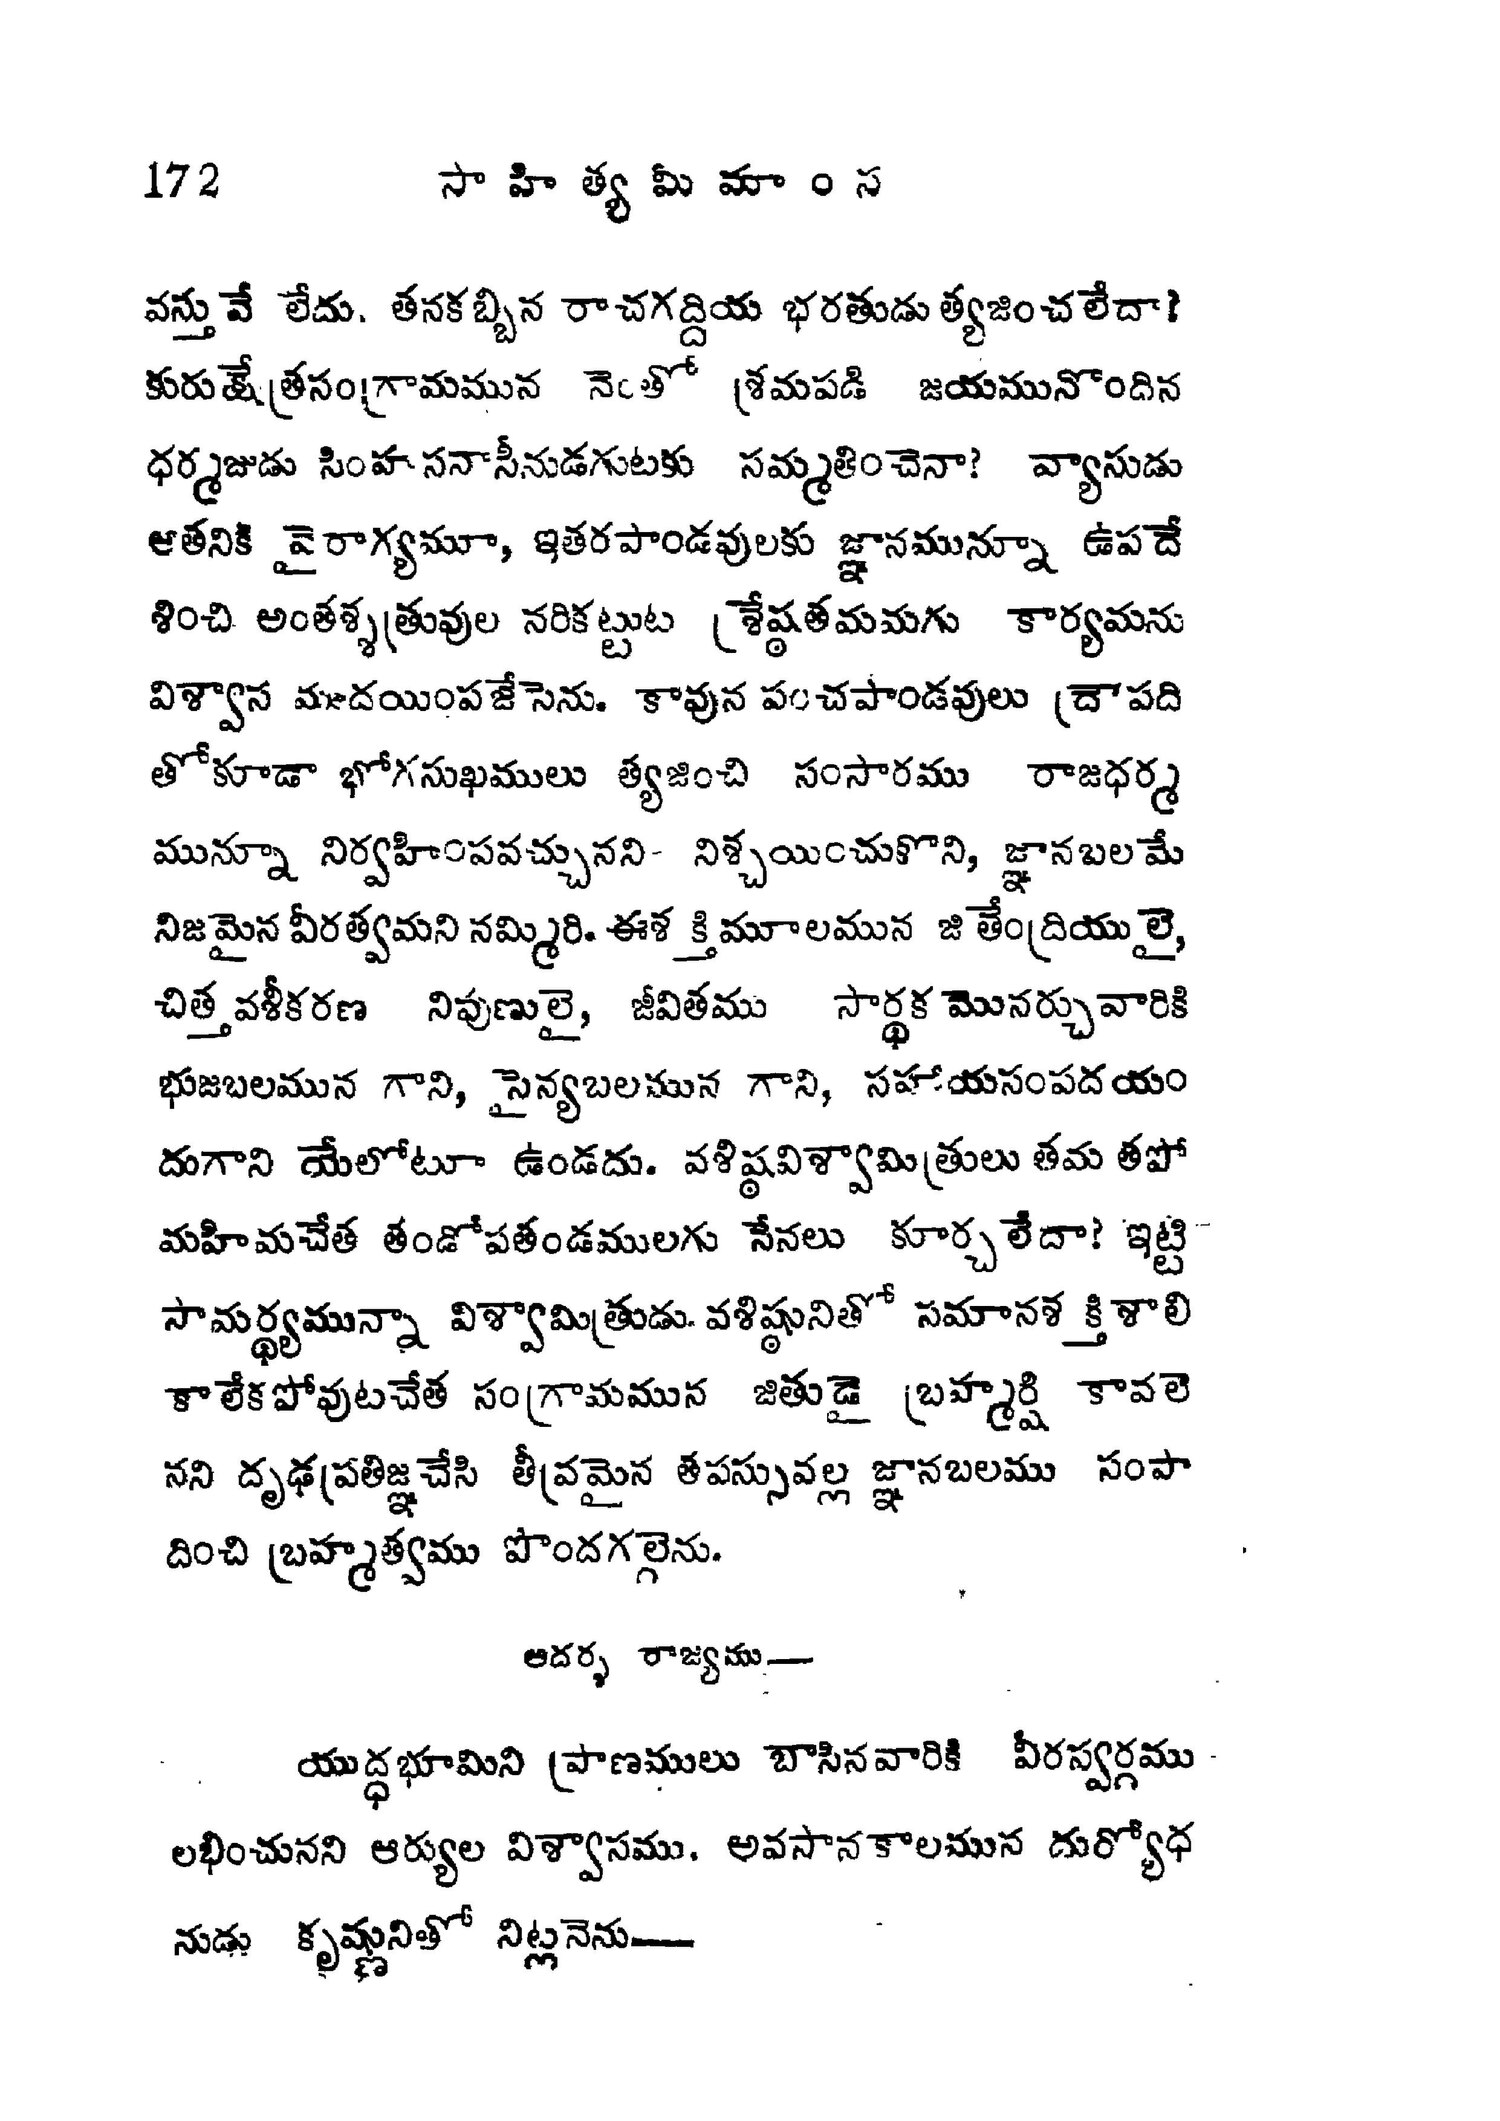వస్తు వే లేదు. తనకబ్బిన రాచగద్దియ భరతుడు త్యజించలేదా? కురుక్షేత్రసంగ్రామమున నెంతో శ్రమపడి జయమునొందిన ధర్మజుడు సింహాసనాసీనుడగుటకు సమ్మతించెనా? వ్యాసుడు అతనికి వైరాగ్యమూ, ఇతరపాండవులకు జ్ఞానమున్నూ ఉపదేశించి అంతశ్శత్రువుల నరికట్టుట శ్రేష్ఠతమమగు కార్యమను విశ్వాస ముదయింపజేసెను. కావున పంచపాండవులు ద్రౌపదితోకూడా భోగసుఖములు త్యజించి సంసారము రాజధర్మమున్నూ నిర్వహింపవచ్చునని నిశ్చయించుకొని, జ్ఞానబలమే నిజమైన వీరత్వమని నమ్మిరి. ఈశక్తి మూలమున జితేంద్రియులై, చిత్తవశీకరణ నిపుణులై, జీవితము సార్థకమొనర్చువారికి భుజబలమున గాని, సైన్యబలమున గాని, సహాయసంపదయందుగాని యేలోటూ ఉండదు. వశిష్ఠవిశ్వామిత్రులు తమ తపో మహిమచేత తండోపతండములగు సేనలు కూర్చలేదా? ఇట్టి సామర్థ్యమున్నా విశ్వామిత్రుడు వశిష్ఠునితో సమానశక్తిశాలి కాలేకపోవుటచేత సంగ్రామమున జితుడై బ్రహ్మర్షి కావలెనని దృఢప్రతిజ్ఞచేసి తీవ్రమైన తపస్సువల్ల జ్ఞానబలము సంపాదించి బ్రహ్మత్వము పొందగల్గెను.

యుద్ధభూమిని ప్రాణములు బాసినవారికి వీరస్వర్గము లభించునని ఆర్యుల విశ్వాసము. అవసానకాలమున దుర్యోధనుడు కృష్ణునితో నిట్లనెను.